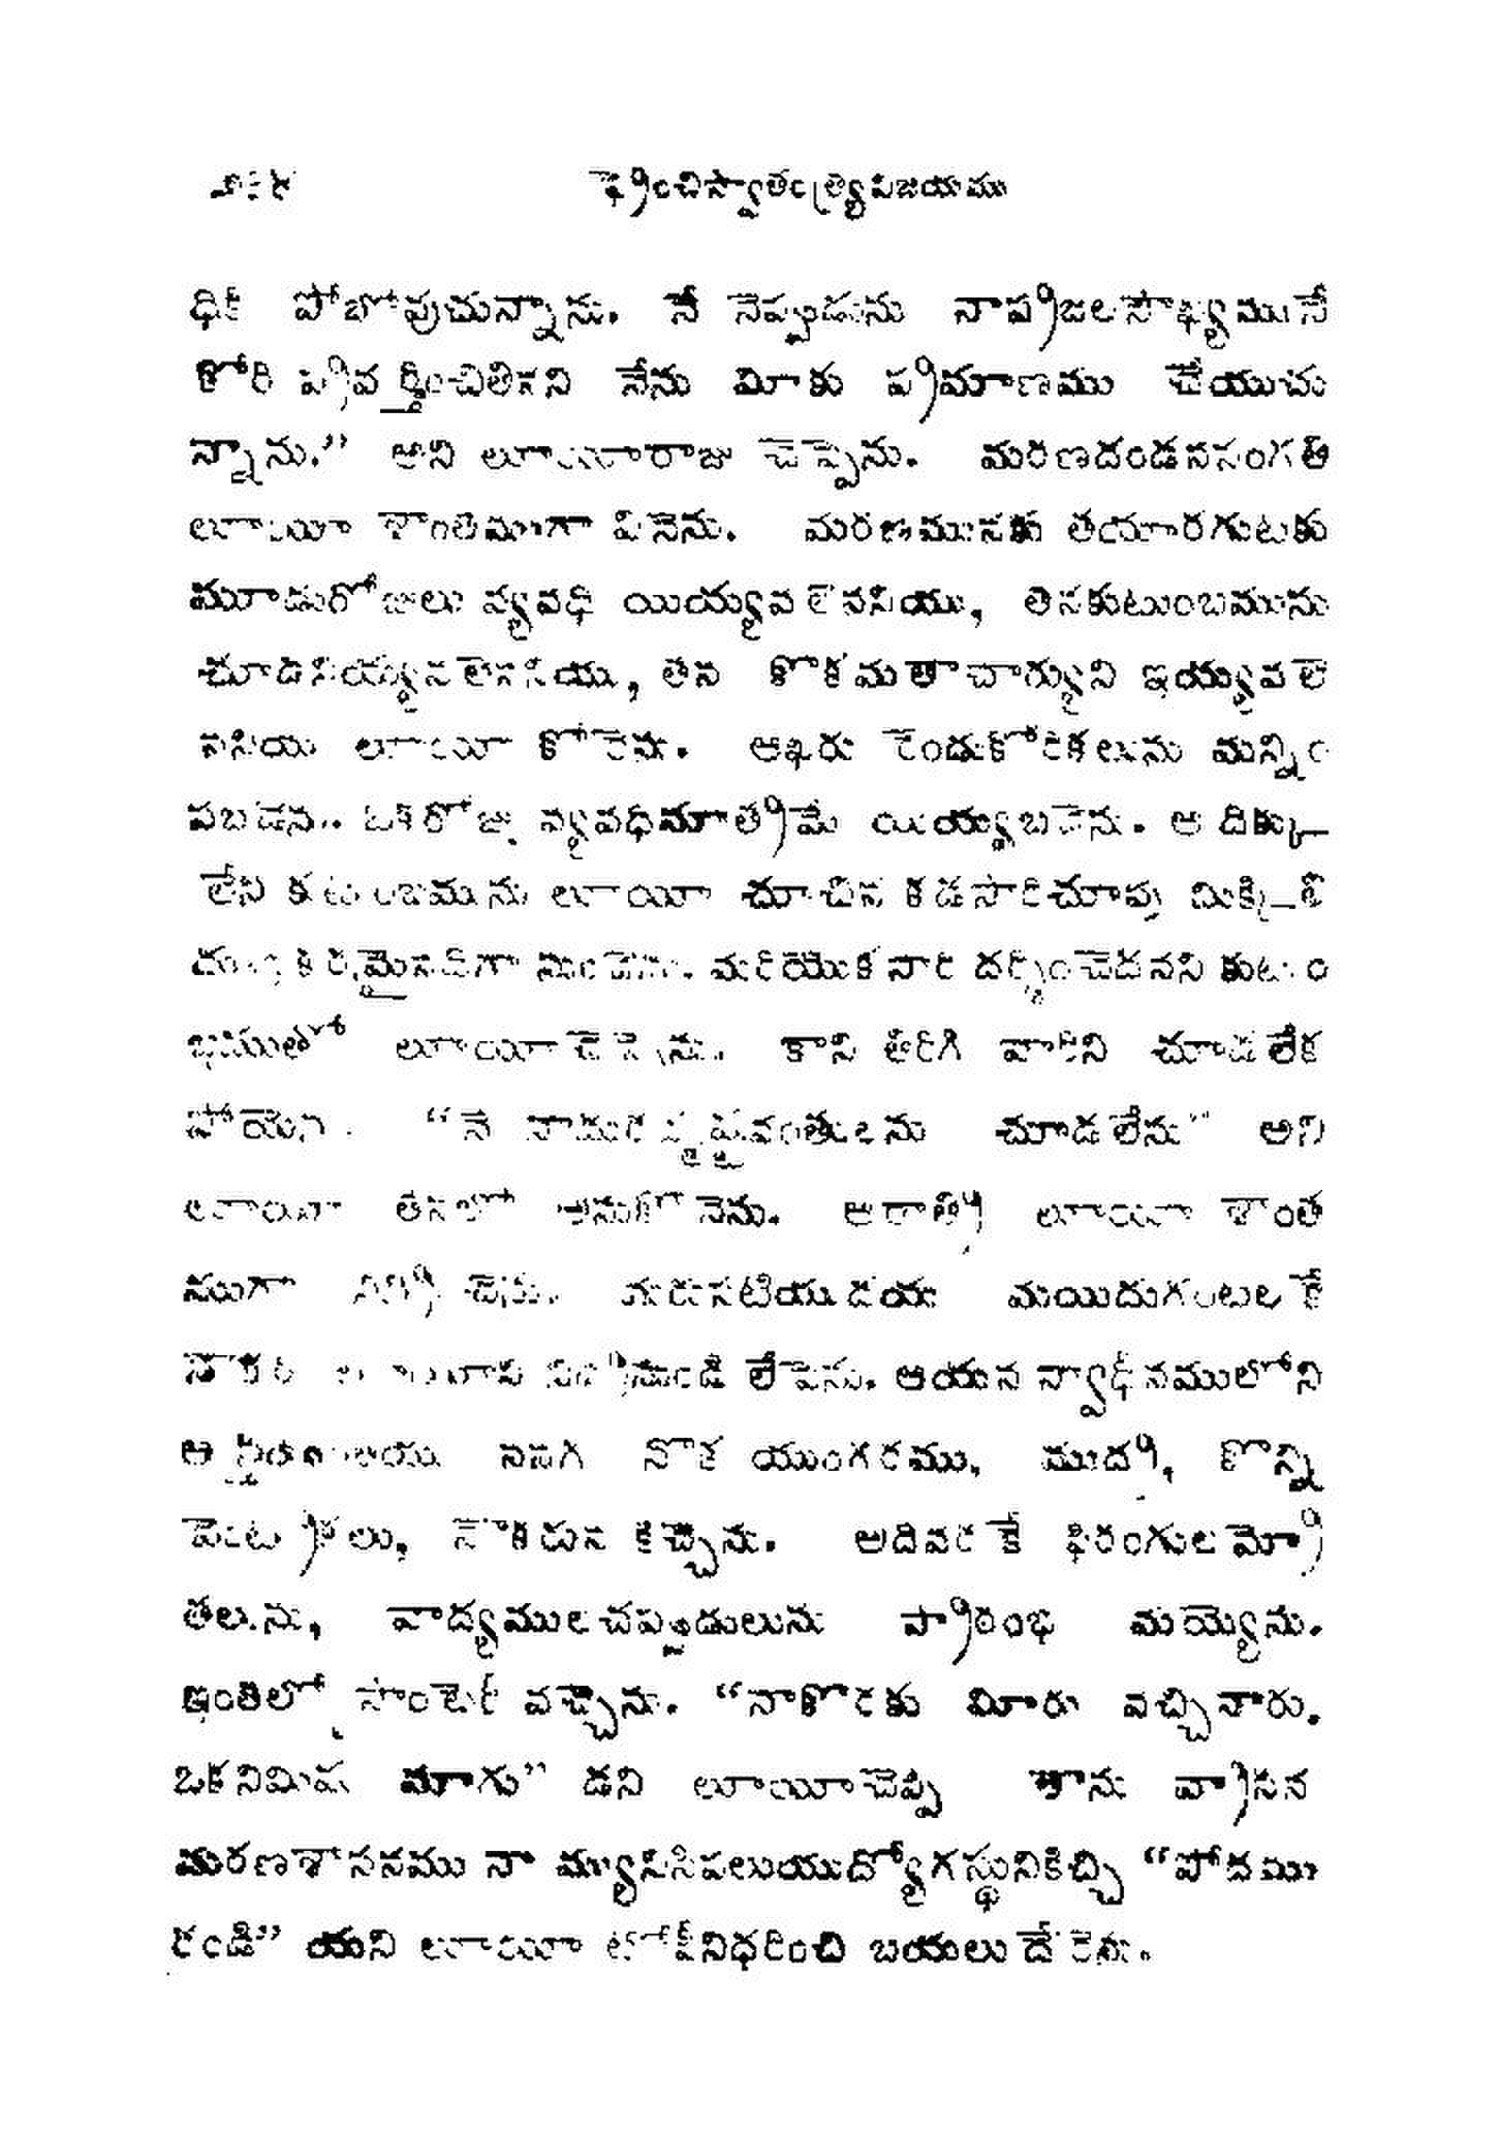ధికి పోబోవుచున్నాను. నే నేప్పుడును నాప్రజల సౌఖ్యము నే
కోరి ప్రవర్తించితినని నేను మీకు ప్రమాణము చేయుచు
న్నాను." ఆని లుయీ రాజు చెప్పెను. మరణదండ ససంగతి
లయీ శాంతముగా వినెను. మరణమునకు తదూరగుటకు
మూడురోజుల వ్యవధి యియ్యవలెననియు, తన కుటుంబమును
చూడనియ్యవలెననియు , తనకొక మతాచార్యుని ఇయ్యవలె
ననియు లూయీ కోరెను. ఆఖరి రెండు కోరికలను మన్నిం
పబడెను... ఒక రోజు వ్యవధి మాత్రమే యియ్యబడెను. ఆ దిక్కు
లేని కుటుంభమును, లూయీ చూచిన కడసారి చూపు మిక్కిలి
దుఃఖకరమైనదిగా నుండెను , మరియొక సారి దర్శించెదనని 
కుటుంబముతో లూయీ చెప్పెను.. కాని దిరిగి వారిని చూడ లేక
పోయెను. నే నాదురదృష్ట వంతులను చూడ లేను" అని లూయీ 
తనలో అనుకొనెను. ఆరాత్రి లూయీ శాంతముగా నిద్రించెను. 
మరుసటి యుదయు మయిదుగంటలకే నౌకరు లూయీని నిద్ర 
నుండి లేపెను, ఆయన స్వాధీనములోనిఆస్తి యంత యు నొక 
యుంగరము, ముద్ర , కొన్ని వెంట్రుకలు, నౌరున కిచ్చెను.
అదిపర కే ఫిరంగుల మ్రోతలసు, వాద్యముల చప్పుడులును ప్రారంభ
మయ్యెను. ఇంతలో సాంటెరి వచ్చెను. “నాకొరకు మీరు వచ్చినారు.
ఒక నిమిష మాగు" డని లూయీ చెప్పి "తాను వ్రాసిన
మరణశాసనము నా మ్యునిసిపలు యుద్యోగస్థుని కిచ్చి "పోదము
రండి" యని లూయీ టోపీని ధరించి బయలు దేరెను. .